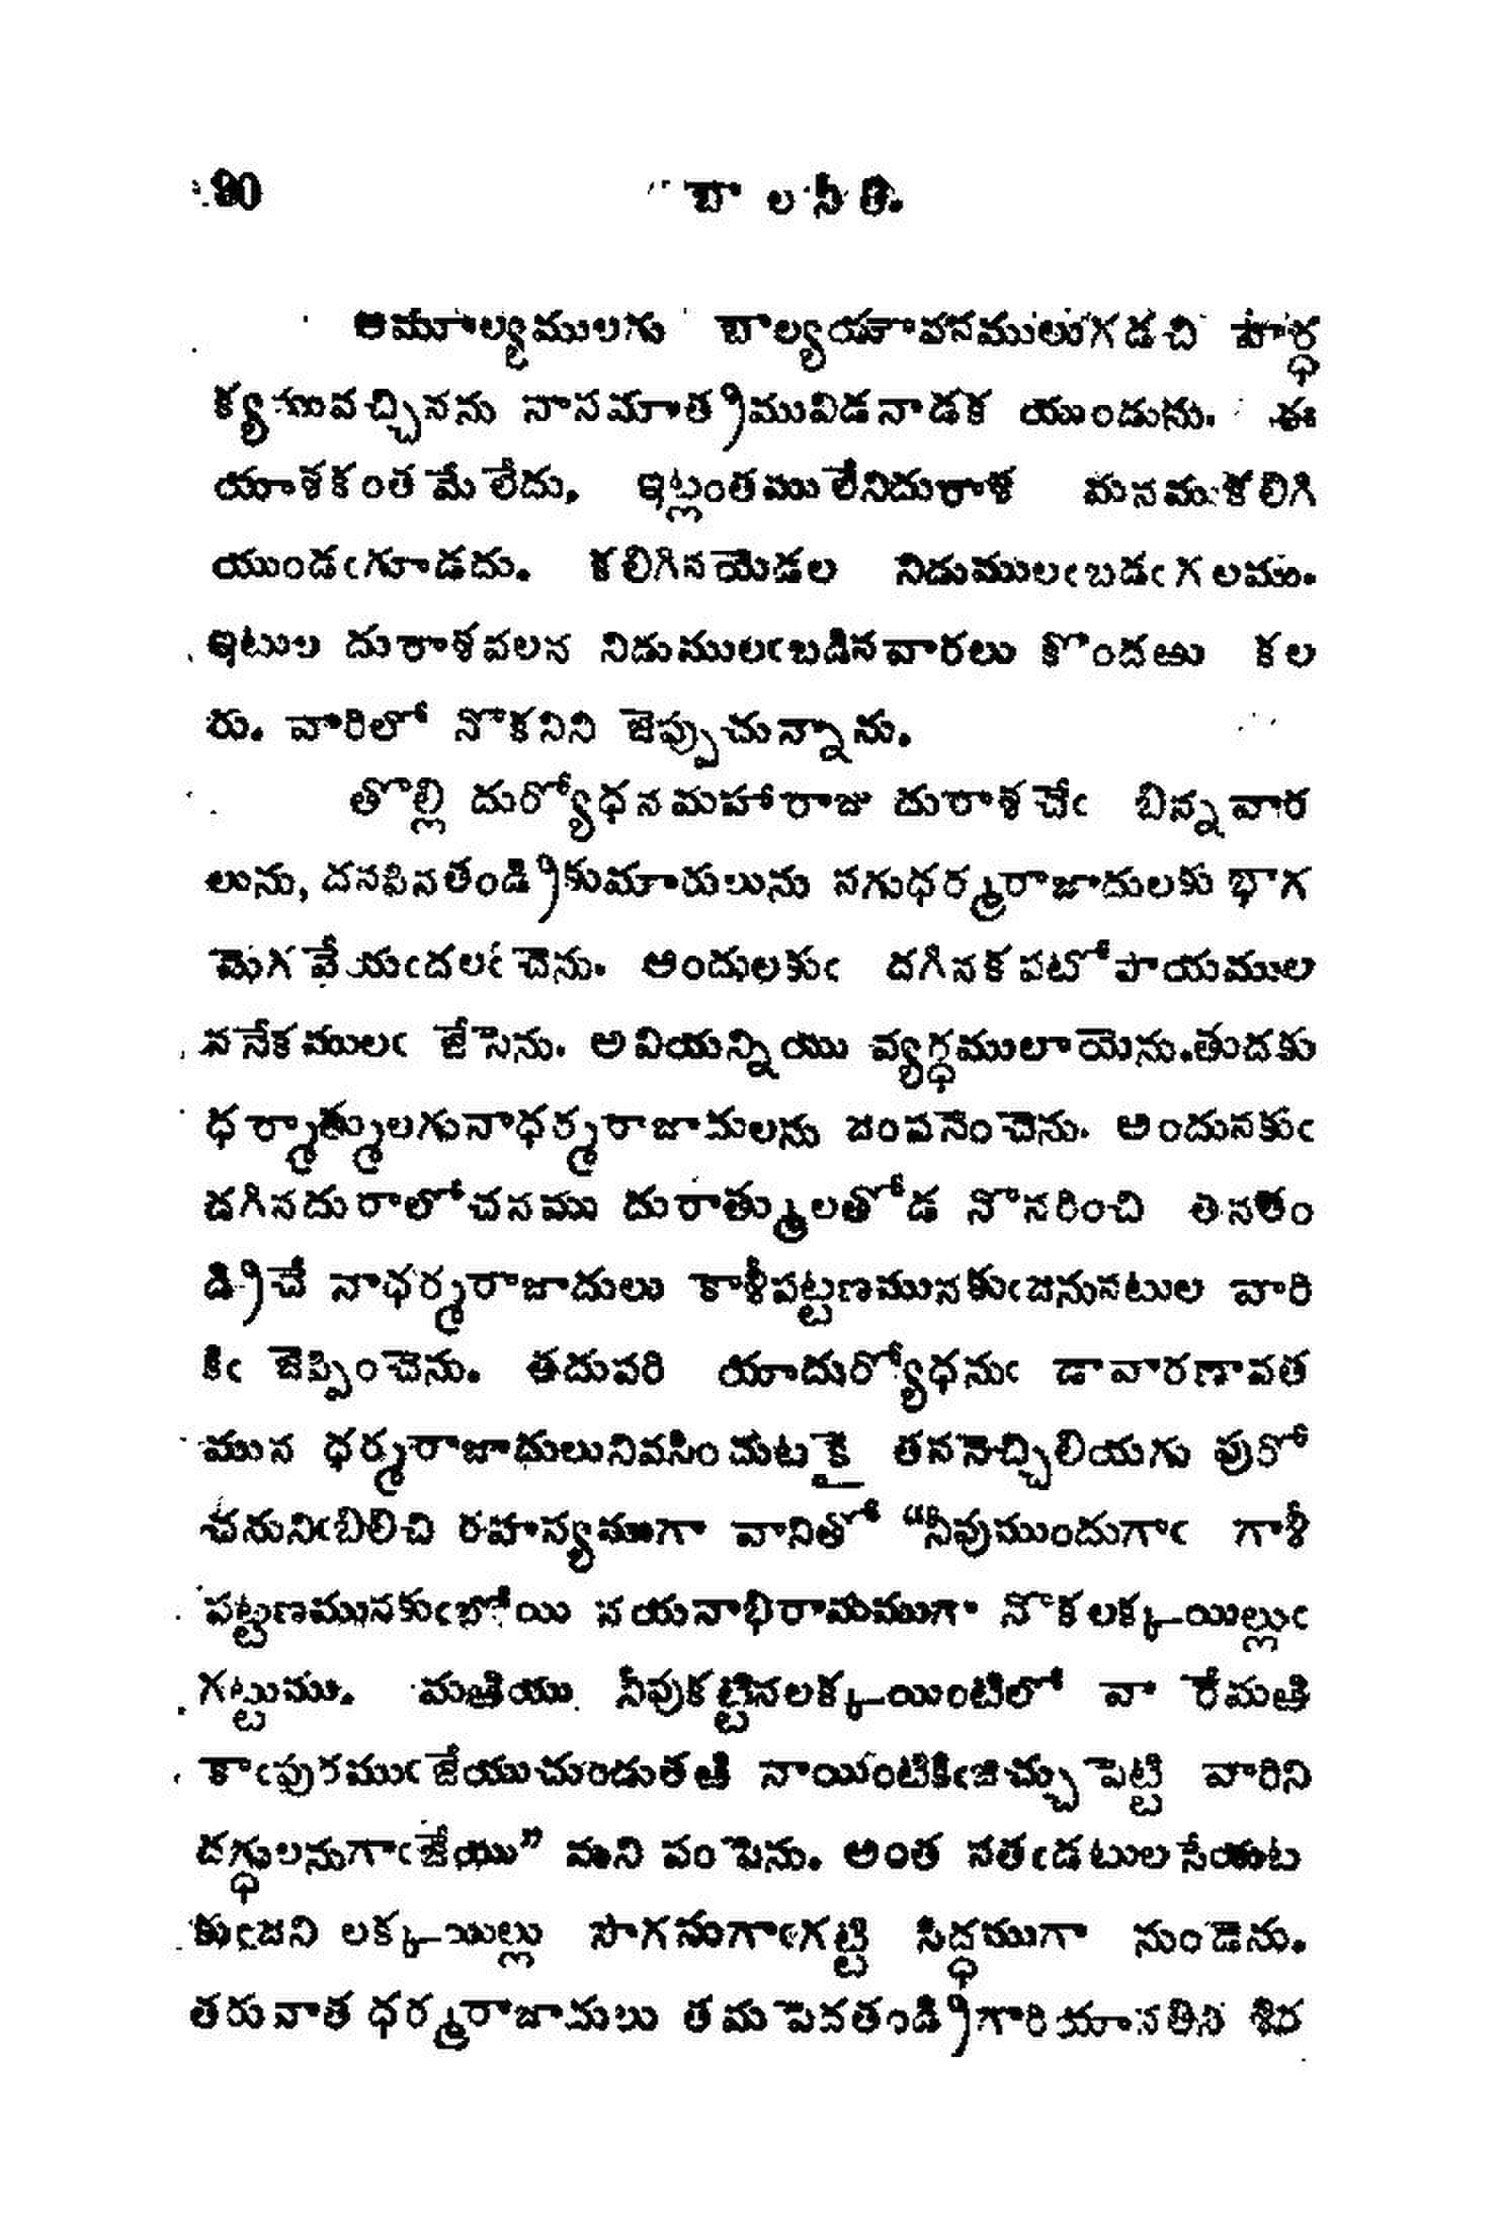అమూల్యములగు బాల్యయౌవనములుగడచి వార్ధ
క్యమువచ్చినను నాసమాత్రమువిడనాడక యుండును. ఈ 
యాశకంతమేలేదు. ఇట్లంతములేనిదురాశ మనముకలిగి
యుండఁగూడదు. కలిగినయెడల నిడుములఁబడఁగలము. 
ఇటుల దురాశవలన నిడుములఁబడినవారలు కొందఱు కల
రు. వారిలో నొకనిని జెప్పుచున్నాను.

తొల్లి దుర్యోధనమహారాజు దురాశచేఁ బిన్నవార
లును, దనపినతండ్రికుమారులను నగుధర్మరాజాదులకు భాగ
మెగవేయఁదలఁచెను. అందులకుఁ దగినకపటోపాయముల 
ననేకములఁ జేసెను. అవియన్నియు వ్యర్ధములాయెను. తుదకు 
ధర్మాత్ములగు నాధర్మరాజాదులను జంపనెంచెను. అందునకుఁ 
దగినదురాలోచనము దురాత్ములతోడ నొనరించి తనతం
డ్రిచే నాధర్మరాజాదులు కాశీపట్టణమునకుఁజనునటుల వారి
కిఁ జెప్పించెను. తదుపరి యాదుర్యోధనుఁ డావారణావత
మున ధర్మరాజాదులునివసించుటకై తననెచ్చలియగు పురో
చనునిఁబిలిచి రహస్యముగా వానితో "నీవుముందుగాఁ గాశీ
పట్టణమునకుఁబోయి నయనాభిరామముగా నొకలక్కయిల్లుఁ
గట్టుము. మఱియు నీవుకట్టినలక్కయింటిలో వా రేమఱి 
కాఁపురముఁజేయుచుండుతఱి నాయింటికిఁజిచ్చు పెట్టి వారిని 
దగ్ధులనుగాఁజేయు" మని పంపెను. అంత నతఁడటులసేయుట
కుఁజని లక్కయిల్లు సొగసుగాఁగట్టి సిద్ధముగా నుండెను. 
తరువాత ధర్మరాజాదులు తమపెదతండ్రిగారియానతిని శిర